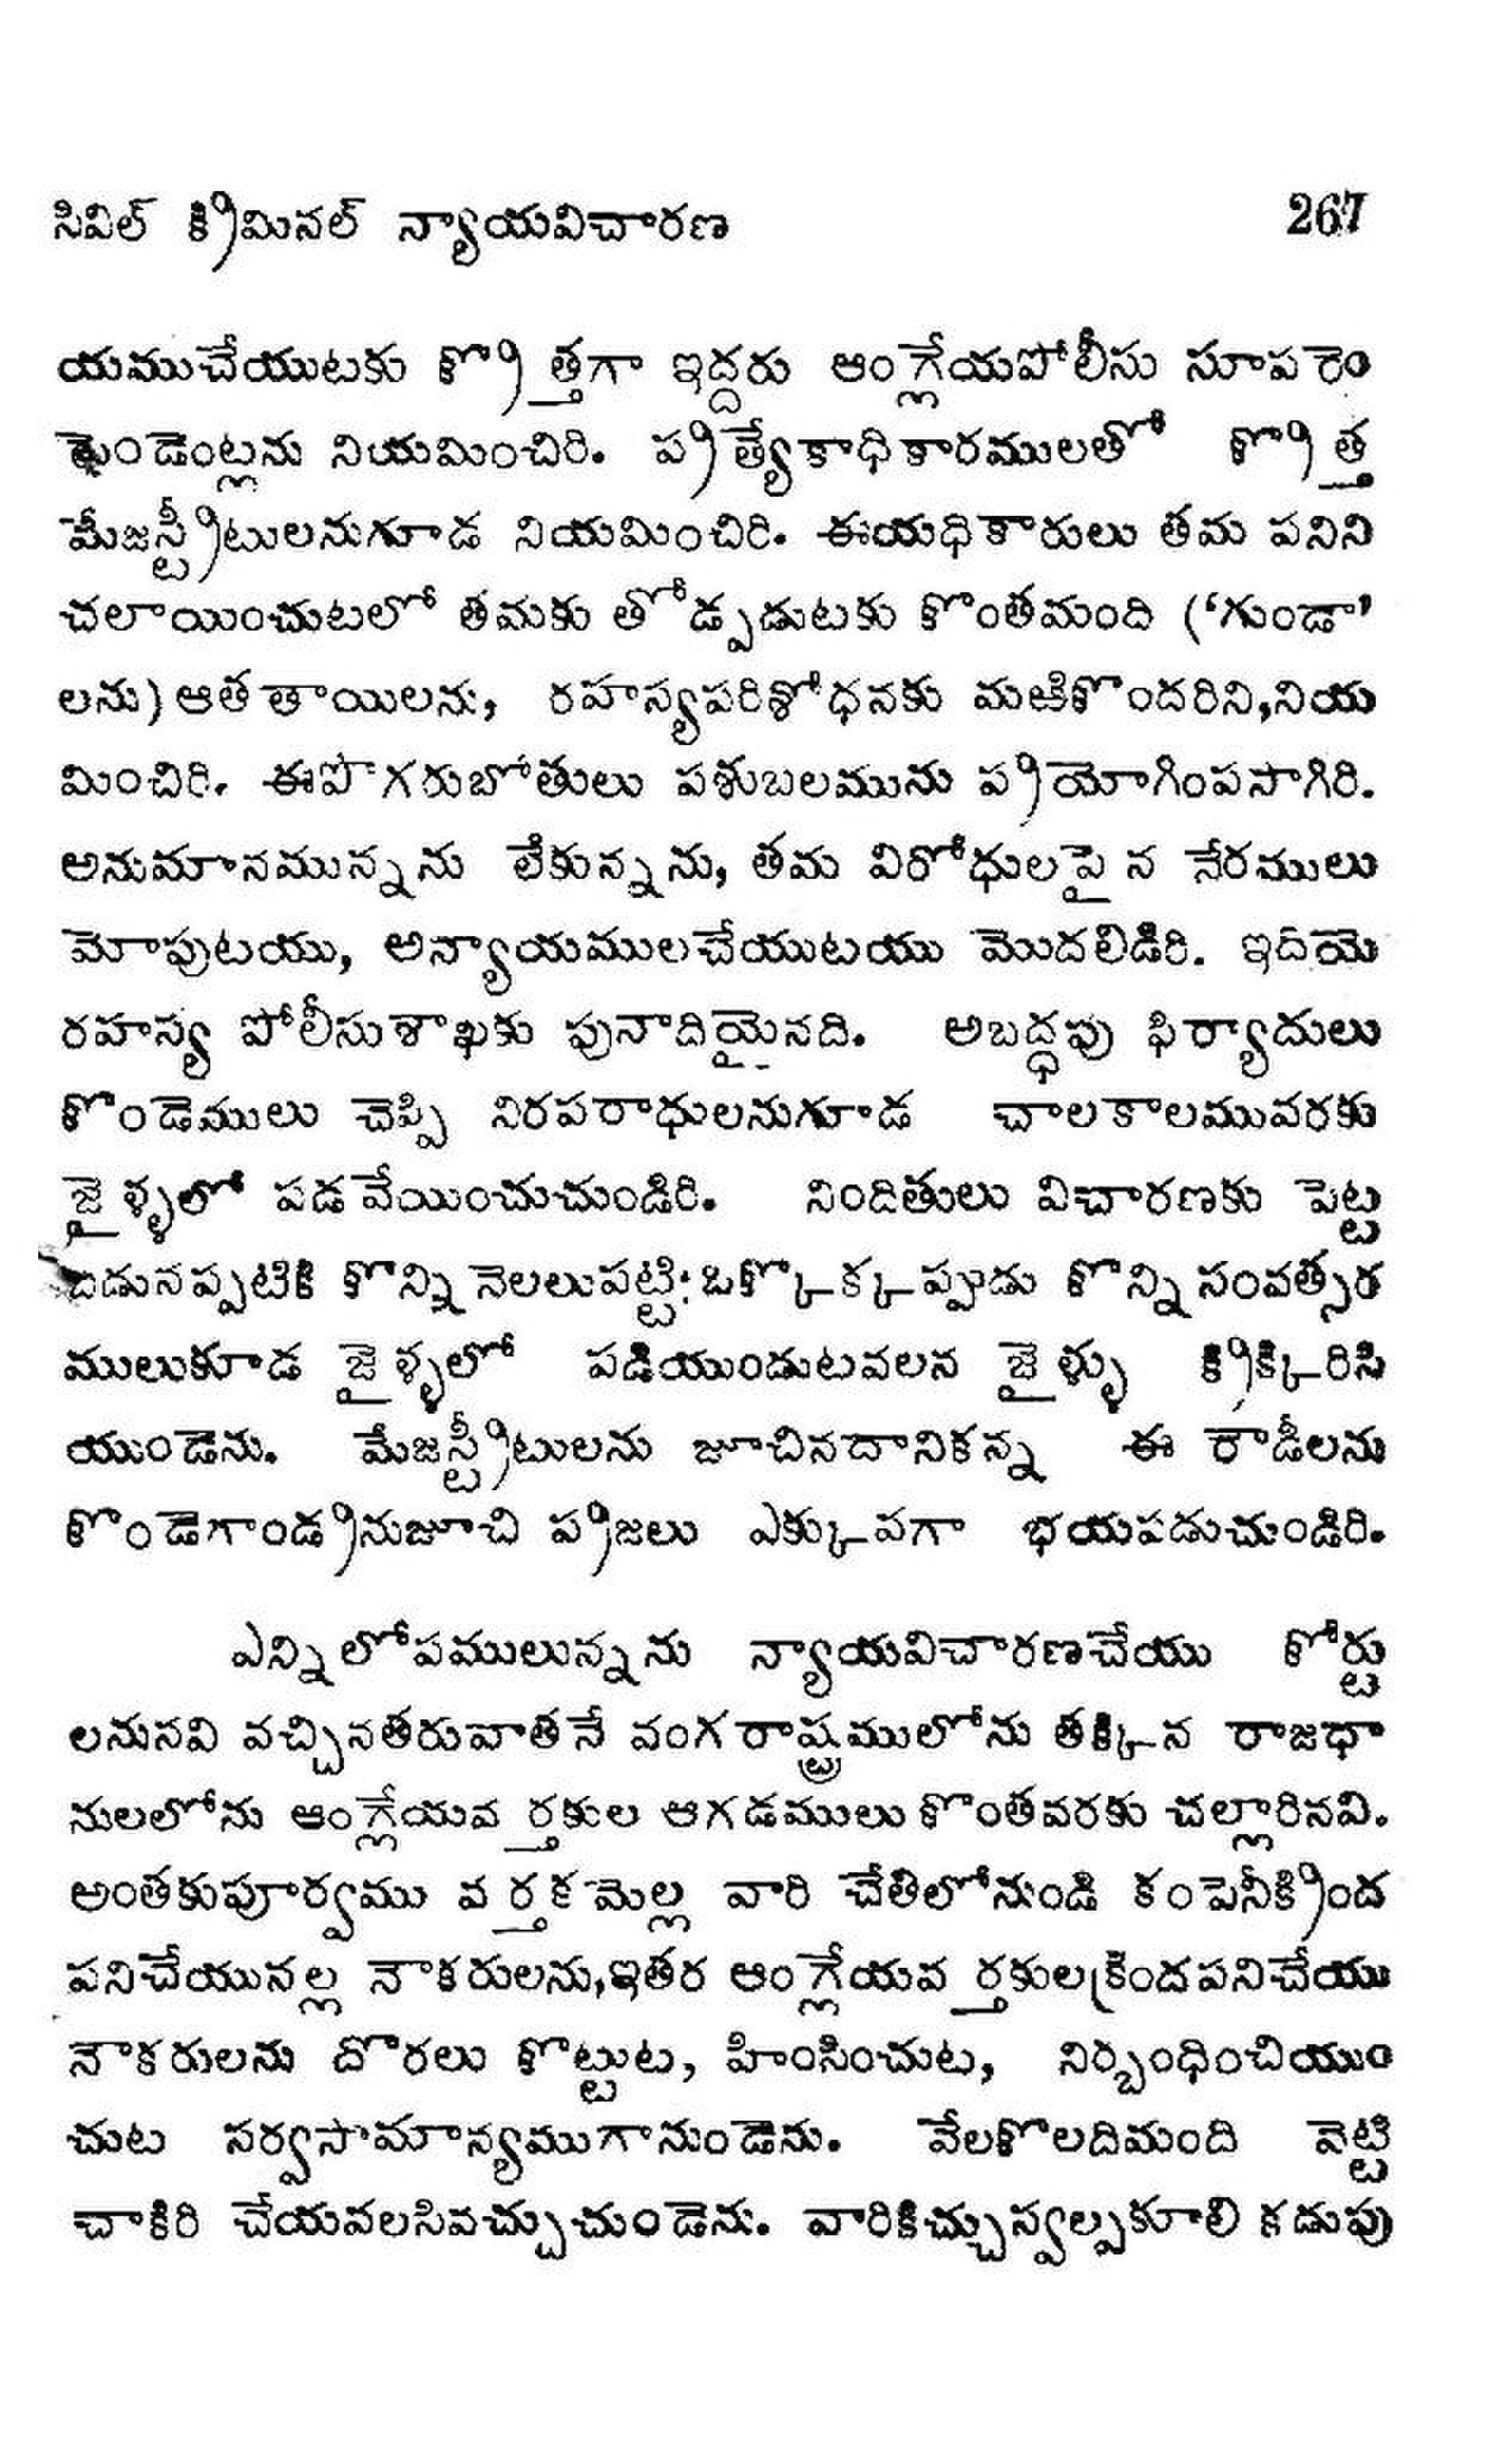యముచేయుటకు క్రొత్తగా ఇద్దరు ఆంగ్లేయపోలీసు సూపరెంటెండెంట్లను నియమించిరి. ప్రత్యేకాధికారములతో క్రొత్త మేజస్ట్రీటులనుగూడ నియమించిరి. ఈయధికారులు తమ పనిని చలాయించుటలో తమకు తోడ్పడుటకు కొంతమంది ('గుండా' లను) ఆతతాయిలను, రహస్యపరిశోధనకు మఱికొందరిని,నియమించిరి. ఈ పొగరుబోతులు పశుబలమును ప్రయోగింపసాగిరి. అనుమానమున్నను లేకున్నను, తమ విరోధులపైన నేరములు మోపుటయు, అన్యాయముల చేయుటయు మొదలిడిరి. ఇదియే రహస్య పోలీసుశాఖకు పునాదియైనది. అబద్దపు ఫిర్యాదులు కొండెములు చెప్పి నిరపరాధులనుగూడ చాలకాలమువరకు జైళ్ళలో పడవేయించుచుండిరి. నిందితులు విచారణకు పెట్ట బడునప్పటికి కొన్ని నెలలుపట్టి ఒక్కొక్కప్పుడు కొన్నిసంవత్సరములుకూడ జైళ్ళలో పడియుండుటవలన జైళ్ళు క్రిక్కిరిసి యుండెను. మేజస్ట్రీటులను జూచినదానికన్న ఈ రౌడీలను కొండెగాండ్రనుజూచి ప్రజలు ఎక్కువగా భయపడుచుండిరి.

ఎన్నిలోపములున్నను న్యాయవిచారణచేయు కోర్టు లనునవి వచ్చినతరువాతనే వంగరాష్ట్రములోను తక్కిన రాజధానులలోను ఆంగ్లేయవర్తకుల ఆగడములు కొంతవరకు చల్లారినవి. అంతకుపూర్వము వర్తకమెల్ల వారి చేతిలోనుండి కంపెనీక్రింద పనిచేయునల్ల నౌకరులను, ఇతర ఆంగ్లేయవర్తకులక్రింద పనిచేయు నౌకరులను దొరలు కొట్టుట, హింసించుట, నిర్బంధించియుంచుట సర్వసామాన్యముగానుండెను. వేలకొలదిమంది వెట్టిచాకిరి చేయవలసివచ్చుచుండెను. వారికిచ్చుస్వల్పకూలి కడుపు